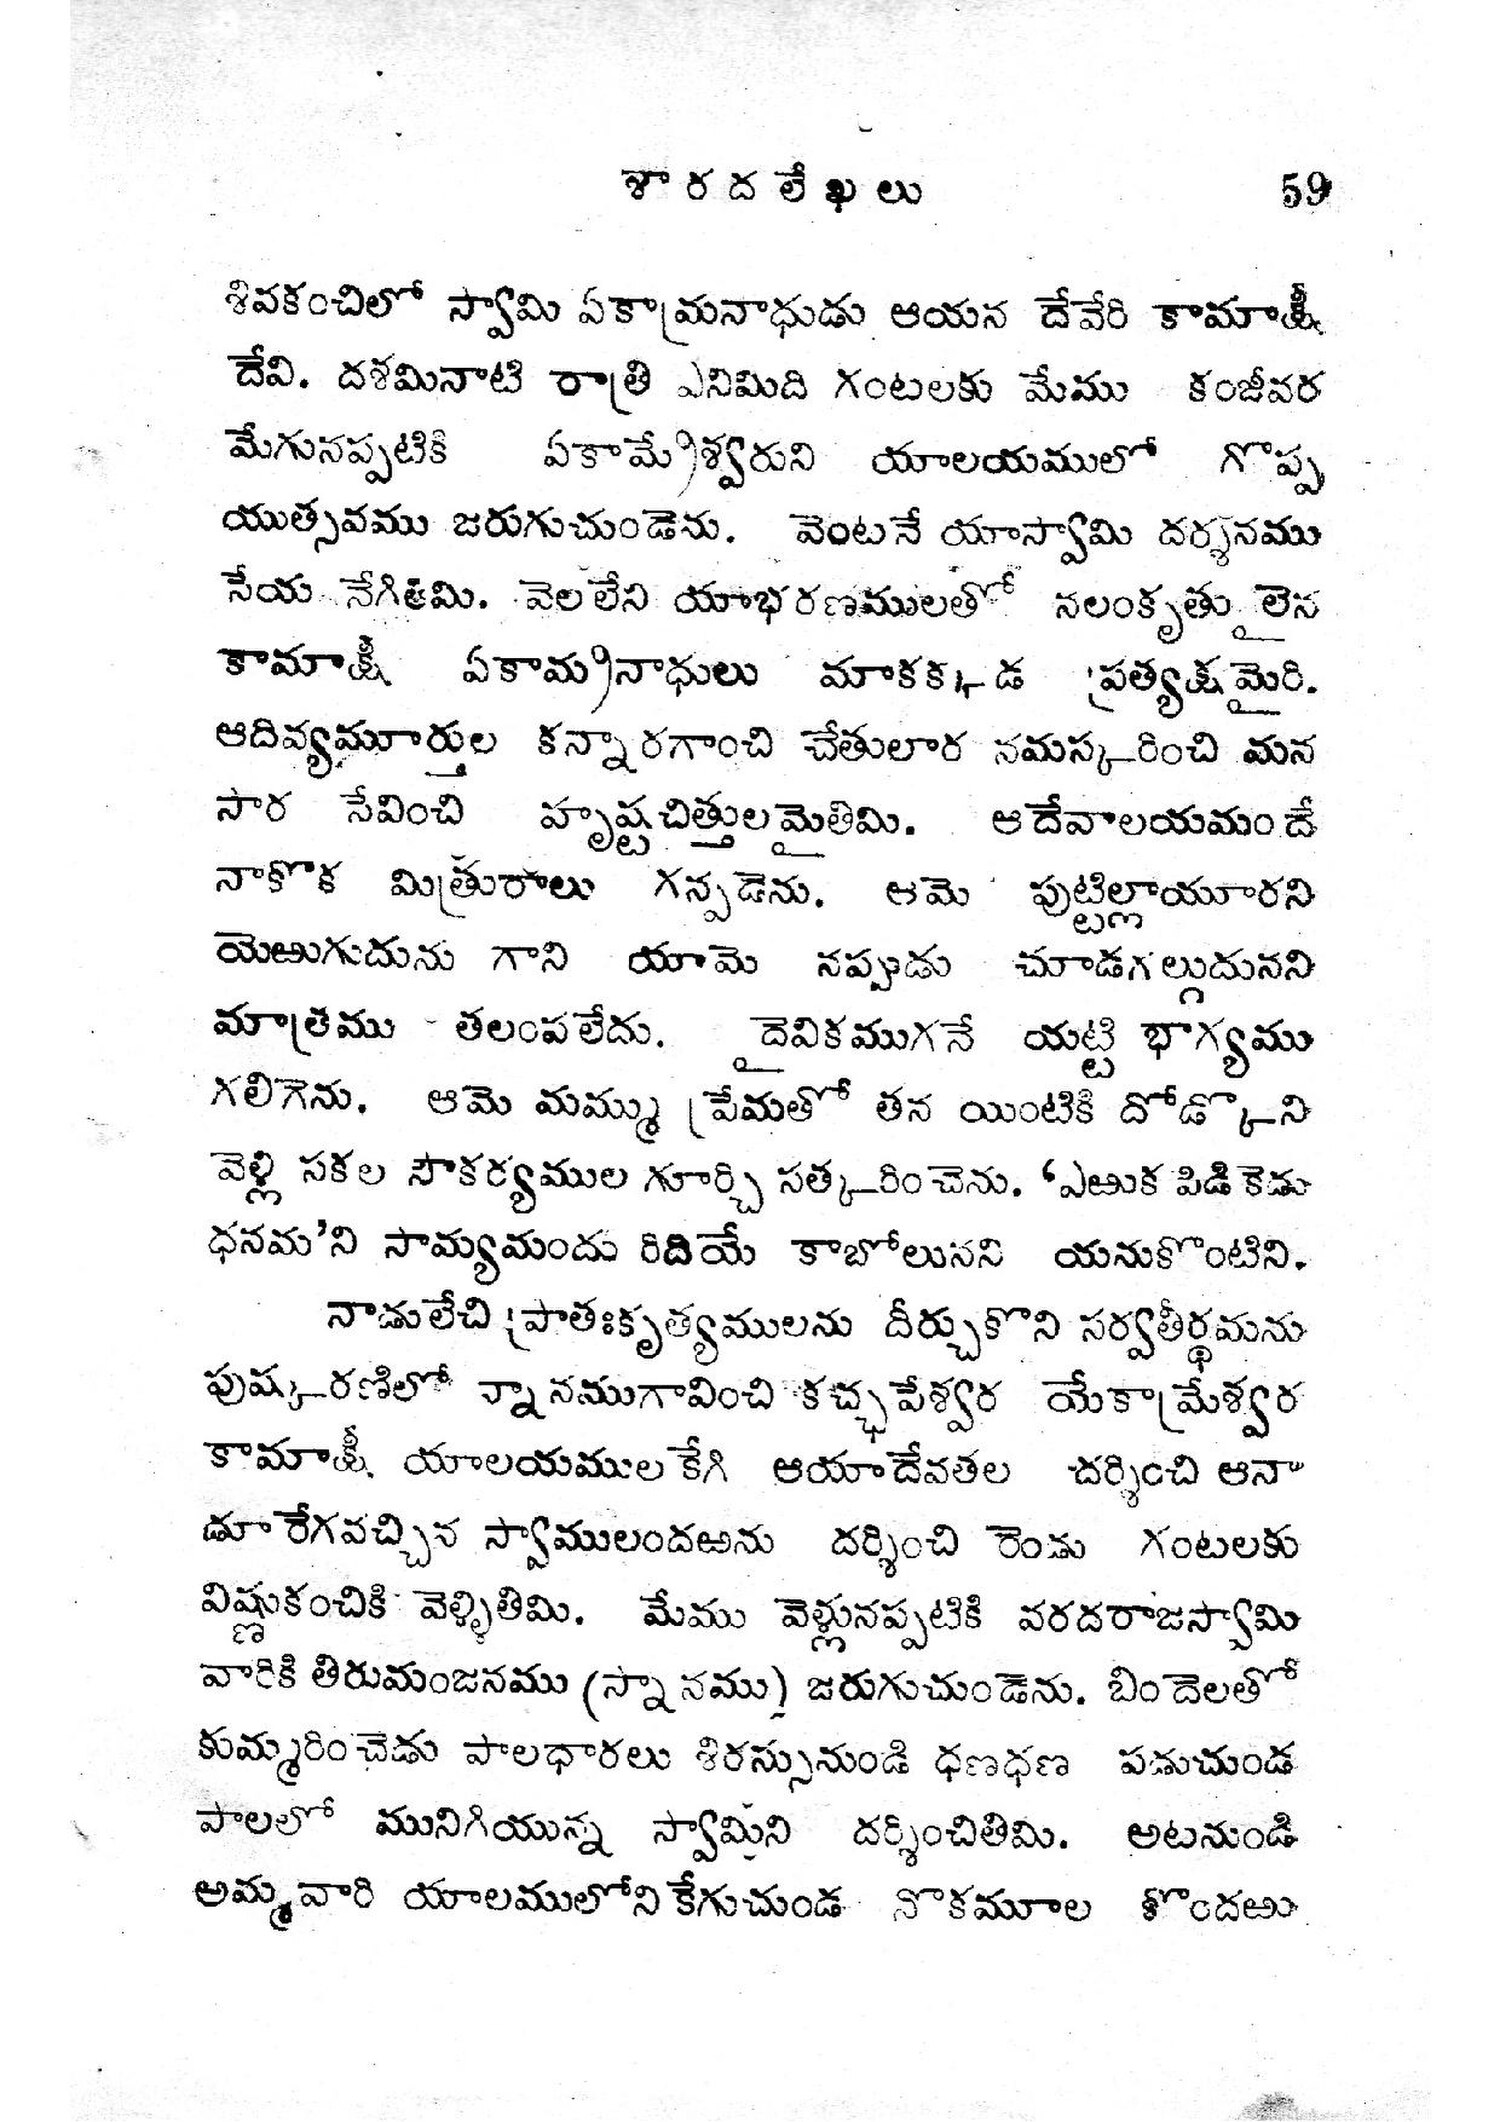శివకంచిలో స్వామి ఏకామ్రనాధుడు ఆయన దేవేరి కామాక్షీదేవి. దశమినాటి రాత్రి ఎనిమిది గంటలకు మేము కంజీవర మేగునప్పటికి ఏకామ్రేశ్వరుని యాలయములో గొప్ప యుత్సవము జరుగుచుండెను. వెంటనే యాస్వామి దర్శనము సేయ నేగితిమి. వెలలేని యాభరణములతో నలంకృతులైన కామాక్షీ ఏకామ్రనాధులు మాకక్కడ ప్రత్యక్షమైరి. ఆదివ్యమూర్తుల కన్నారగాంచి చేతులార నమస్కరించి మనసార సేవించి హృష్టచిత్తులమైతిమి. ఆదేవాలయమందే నాకొక మిత్రురాలు గన్పడెను. ఆమె పుట్టిల్లాయూరని
యెఱుగుదును గాని యామె నప్పుడు చూడగల్గుదునని మాత్రము తలంపలేదు. దైవికముగనే యట్టి భాగ్యము గలిగెను. ఆమె మమ్ము ప్రేమతో తన యింటికి దోడ్కొని వెళ్లి సకల సౌకర్యముల గూర్చి సత్కరించెను. 'ఎఱుక పిడికెడు ధనమ'ని సామ్యమందు రిదియే కాబోలునని యనుకొంటిని.

నాడులేచి ప్రాతఃకృత్యములను దీర్చుకొని సర్వతీర్థమను పుష్కరణిలో న్నానముగావించి కచ్ఛపేశ్వర యేకామ్రేశ్వర
కామాక్షీ యాలయములకేగి ఆయాదేవతల దర్శించి ఆనాడూరేగవచ్చిన స్వాములందఱను దర్శించి రెండు గంటలకు విష్ణుకంచికి వెళ్ళితిమి. మేము వెళ్లునప్పటికి వరదరాజస్వామి వారికి తిరుమంజనము (స్నానము) జరుగుచుండెను. బిందెలతో కుమ్మరించెడు పాలధారలు శిరస్సునుండి ధణధణ పడుచుండ పాలలో మునిగియున్న స్వామిని దర్శించితిమి. అటనుండి అమ్మవారి యాలయములోనికేగుచుండ నొకమూల కొందఱు